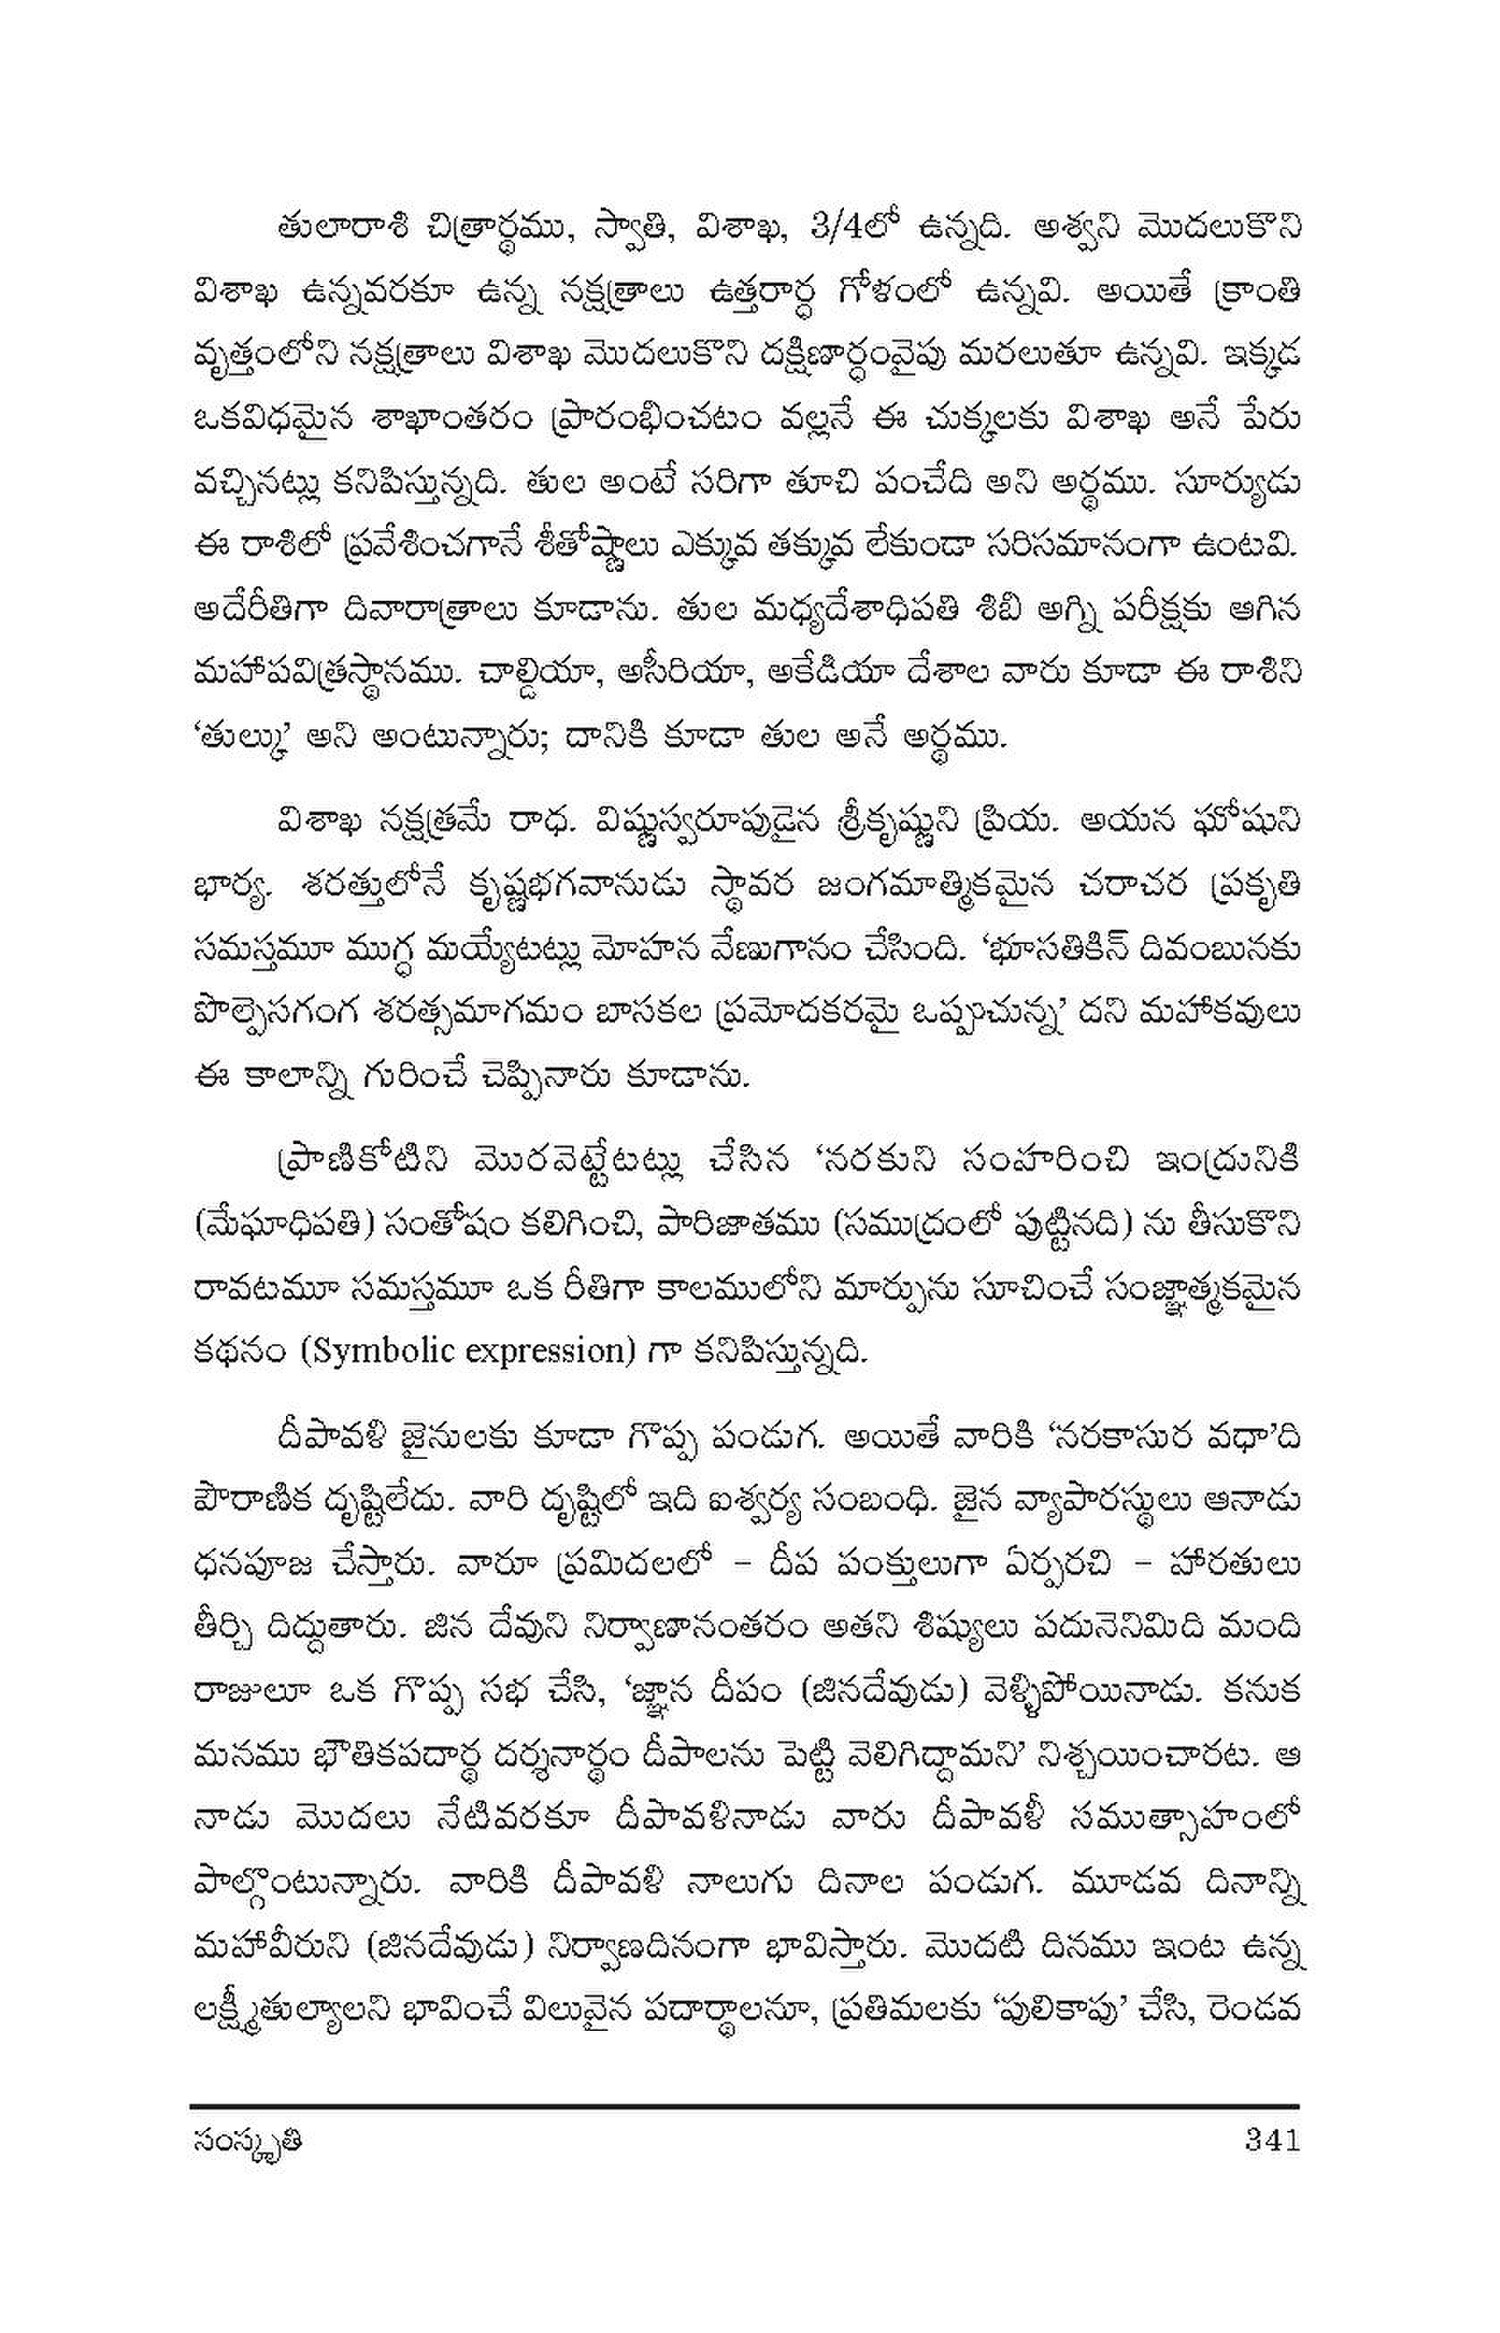తులారాశి చిత్రార్థము, స్వాతి, విశాఖ, 3/4లో ఉన్నది. అశ్వని మొదలుకొని
విశాఖ ఉన్నవరకూ ఉన్న నక్షత్రాలు ఉత్తరార్ధ గోళంలో ఉన్నవి. అయితే క్రాంతి
వృత్తంలోని నక్షత్రాలు విశాఖ మొదలుకొని దక్షిణార్ధంవైపు మరలుతూ ఉన్నవి. ఇక్కడ
ఒకవిధమైన శాఖాంతరం ప్రారంభించటం వల్లనే ఈ చుక్కలకు విశాఖ అనే పేరు
వచ్చినట్లు కనిపిస్తున్నది. తుల అంటే సరిగా తూచి పంచేది అని అర్థము. సూర్యుడు
ఈ రాశిలో ప్రవేశించగానే శీతోష్ణాలు ఎక్కువ తక్కువ లేకుండా సరిసమానంగా ఉంటవి.
అదేరీతిగా దివారాత్రాలు కూడాను. తుల మధ్యదేశాధిపతి శిబి అగ్ని పరీక్షకు ఆగిన
మహాపవిత్రస్థానము. చాల్డియా, అసీరియా, అకేడియా దేశాల వారు కూడా ఈ రాశిని
'తుల్కు ' అని అంటున్నారు; దానికి కూడా తుల అనే అర్థము.

విశాఖ నక్షత్రమే రాధ. విష్ణుస్వరూపుడైన శ్రీకృష్ణుని ప్రియ. ఆయన ఘోషుని
భార్య. శరత్తులోనే కృష్ణభగవానుడు స్థావర జంగమాత్మికమైన చరాచర ప్రకృతి
సమస్తమూ ముగ్ధ మయ్యేటట్లు మోహన వేణుగానం చేసింది. 'భూసతికిన్ దివంబునకు
పొల్పెసగంగ శరత్సమాగమం బాసకల ప్రమోదకరమై ఒప్పుచున్న' దాని మహాకవులు
ఈ కాలాన్ని గురించే చెప్పినారు కూడాను.

ప్రాణికోటిని మొరవెట్టేటట్లు చేసిన 'నరకుని సంహరించి ఇంద్రునికి
(మేఘాధిపతి) సంతోషం కలిగించి, పారిజాతము (సముద్రంలో పుట్టినది) ను తీసుకొని
రావటమూ సమస్తమూ ఒక రీతిగా కాలములోని మార్పును సూచించే సంజ్ఞాత్మకమైన 
కథనం (Symbolic expression) గా కనిపిస్తున్నది.

దీపావళి జైనులకు కూడా గొప్ప పండుగ. అయితే వారికి 'నరకాసుర వధా'ది
పౌరాణిక దృష్టిలేదు. వారి దృష్టిలో ఇది ఐశ్వర్య సంబంధి. జైన వ్యాపారస్థులు ఆనాడు
ధనపూజ చేస్తారు. వారూ ప్రమిదలలో - దీప పంక్తులుగా ఏర్పరచి - హారతులు
తీర్చి దిద్దుతారు. జీన దేవుని నిర్వాణానంతరం అతని శిష్యులు పదునెనిమిది మంది
రాజులూ ఒక గొప్ప సభ చేసి, 'జ్ఞాన దీపం (జినదేవుడు) వెళ్ళిపోయినాడు. కనుక
మనము భౌతికపదార్థ దర్శనార్థం దీపాలను పెట్టి వెలిగిద్దామని' నిశ్చయించారట. ఆ
నాడు మొదలు నేటివరకూ దీపావళినాడు వారు దీపావళీ సముత్సాహంలో
పాల్గొంటున్నారు. వారికి దీపావళి నాలుగు దినాల పండుగ. మూడవ దినాన్ని
మహావీరుని (జినదేవుడు) నిర్వాణదినంగా భావిస్తారు. మొదటి దినము ఇంట ఉన్న
లక్ష్మీతుల్యాలని భావించే విలువైన పదార్థాలనూ, ప్రతిమలకు 'పులికాపు' చేసి, రెండవ